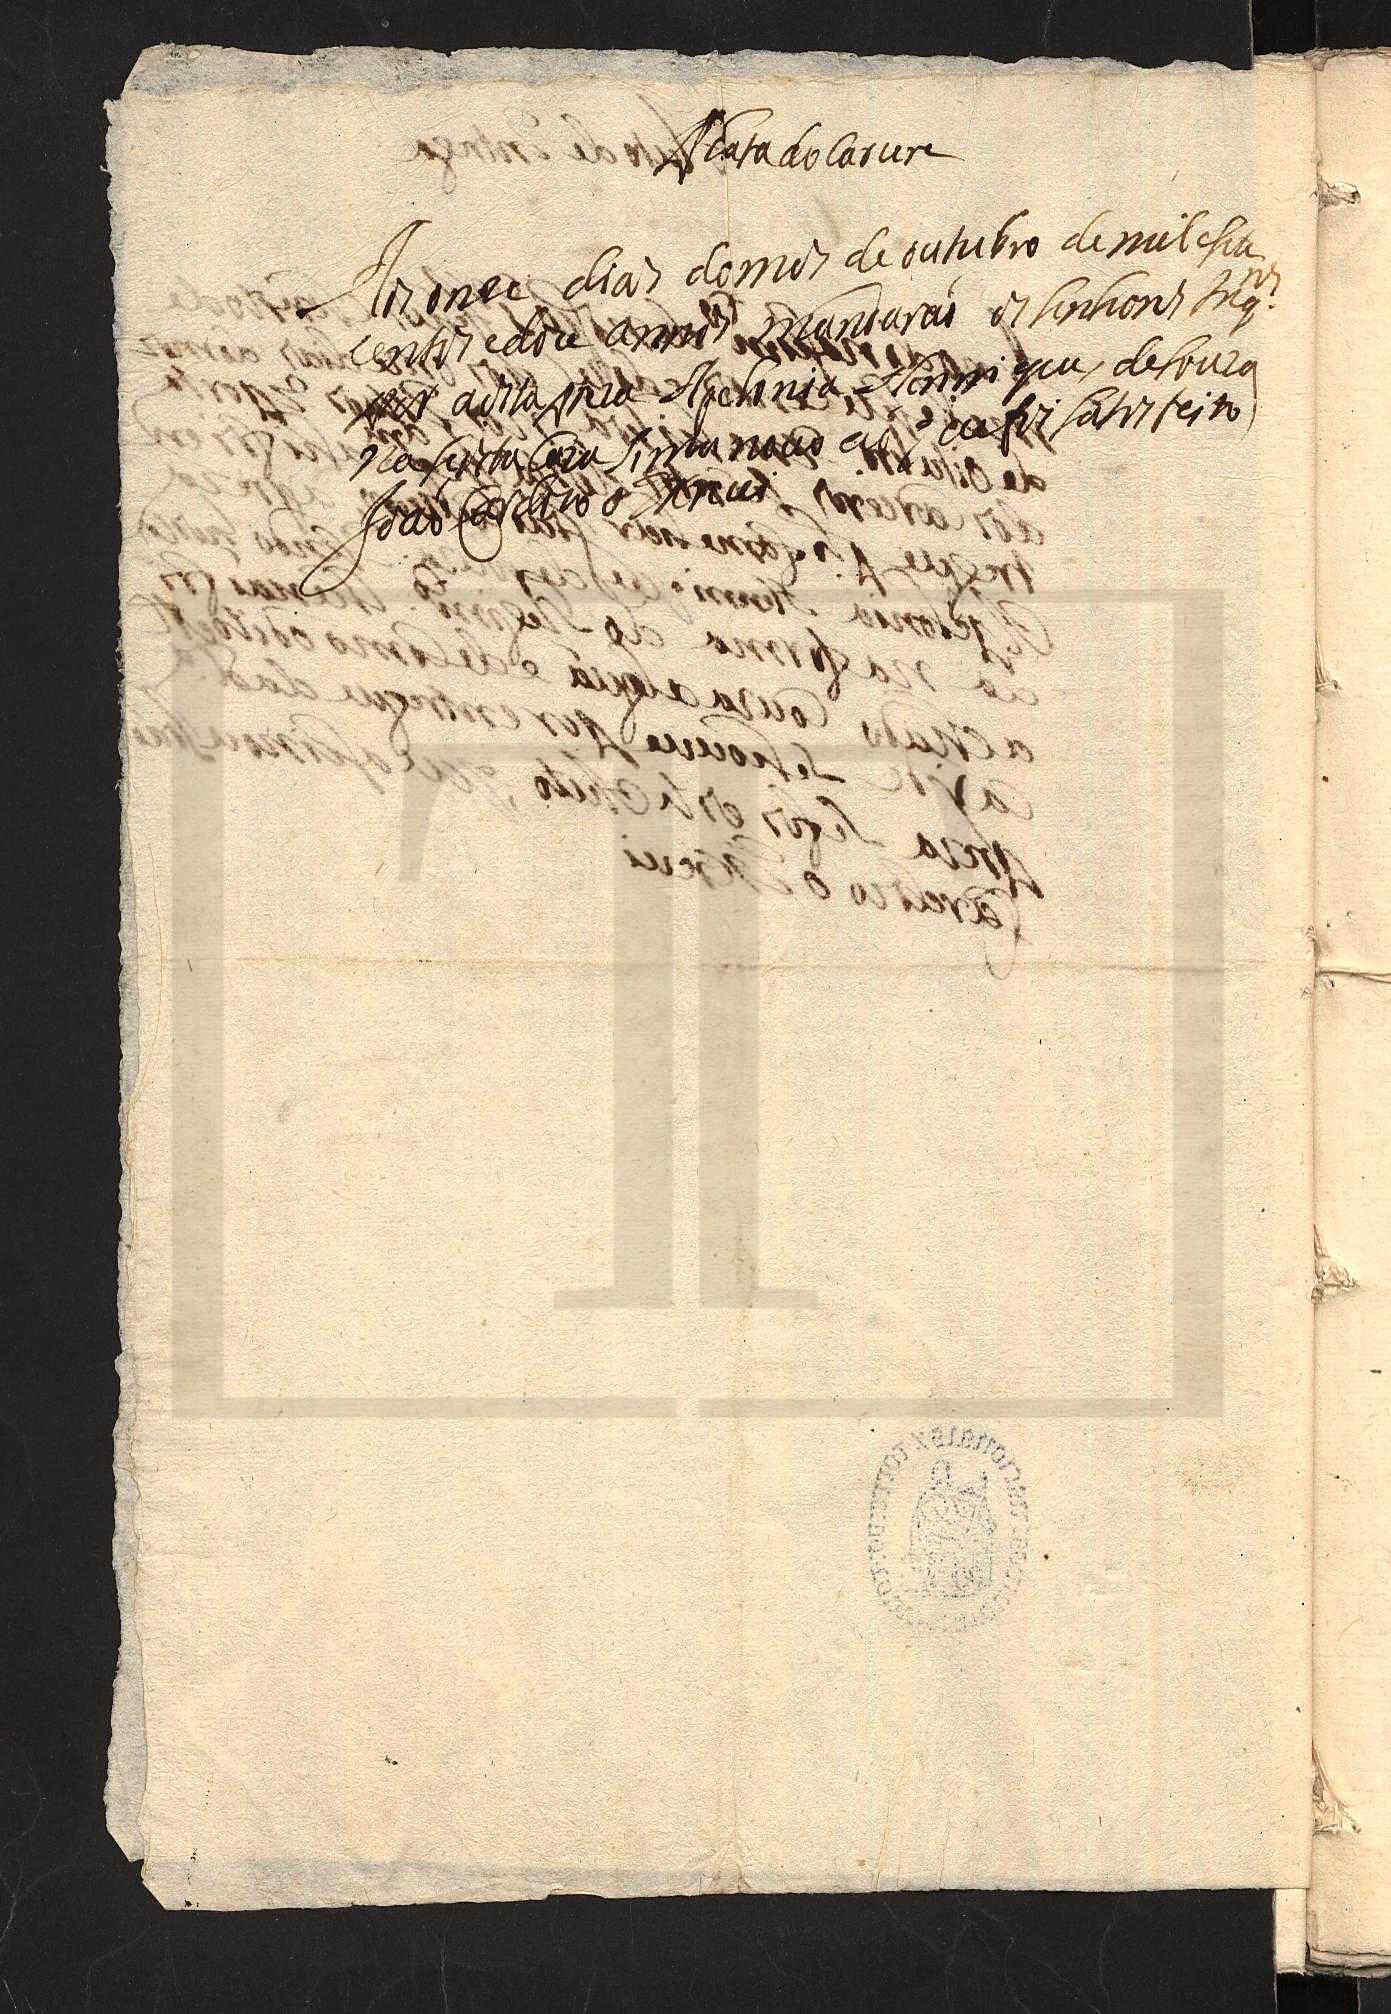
Pl_ta do carcere
Aos onze dias do mes de outubro de mil e sete
centos e doze annos mandaraõ os senhores Inq.res
por a dita preza Apelonia Henrriques de souza
na seista caza sima nouo ao que foi satisfeito,
Joaõ Cardozo o Escreui
